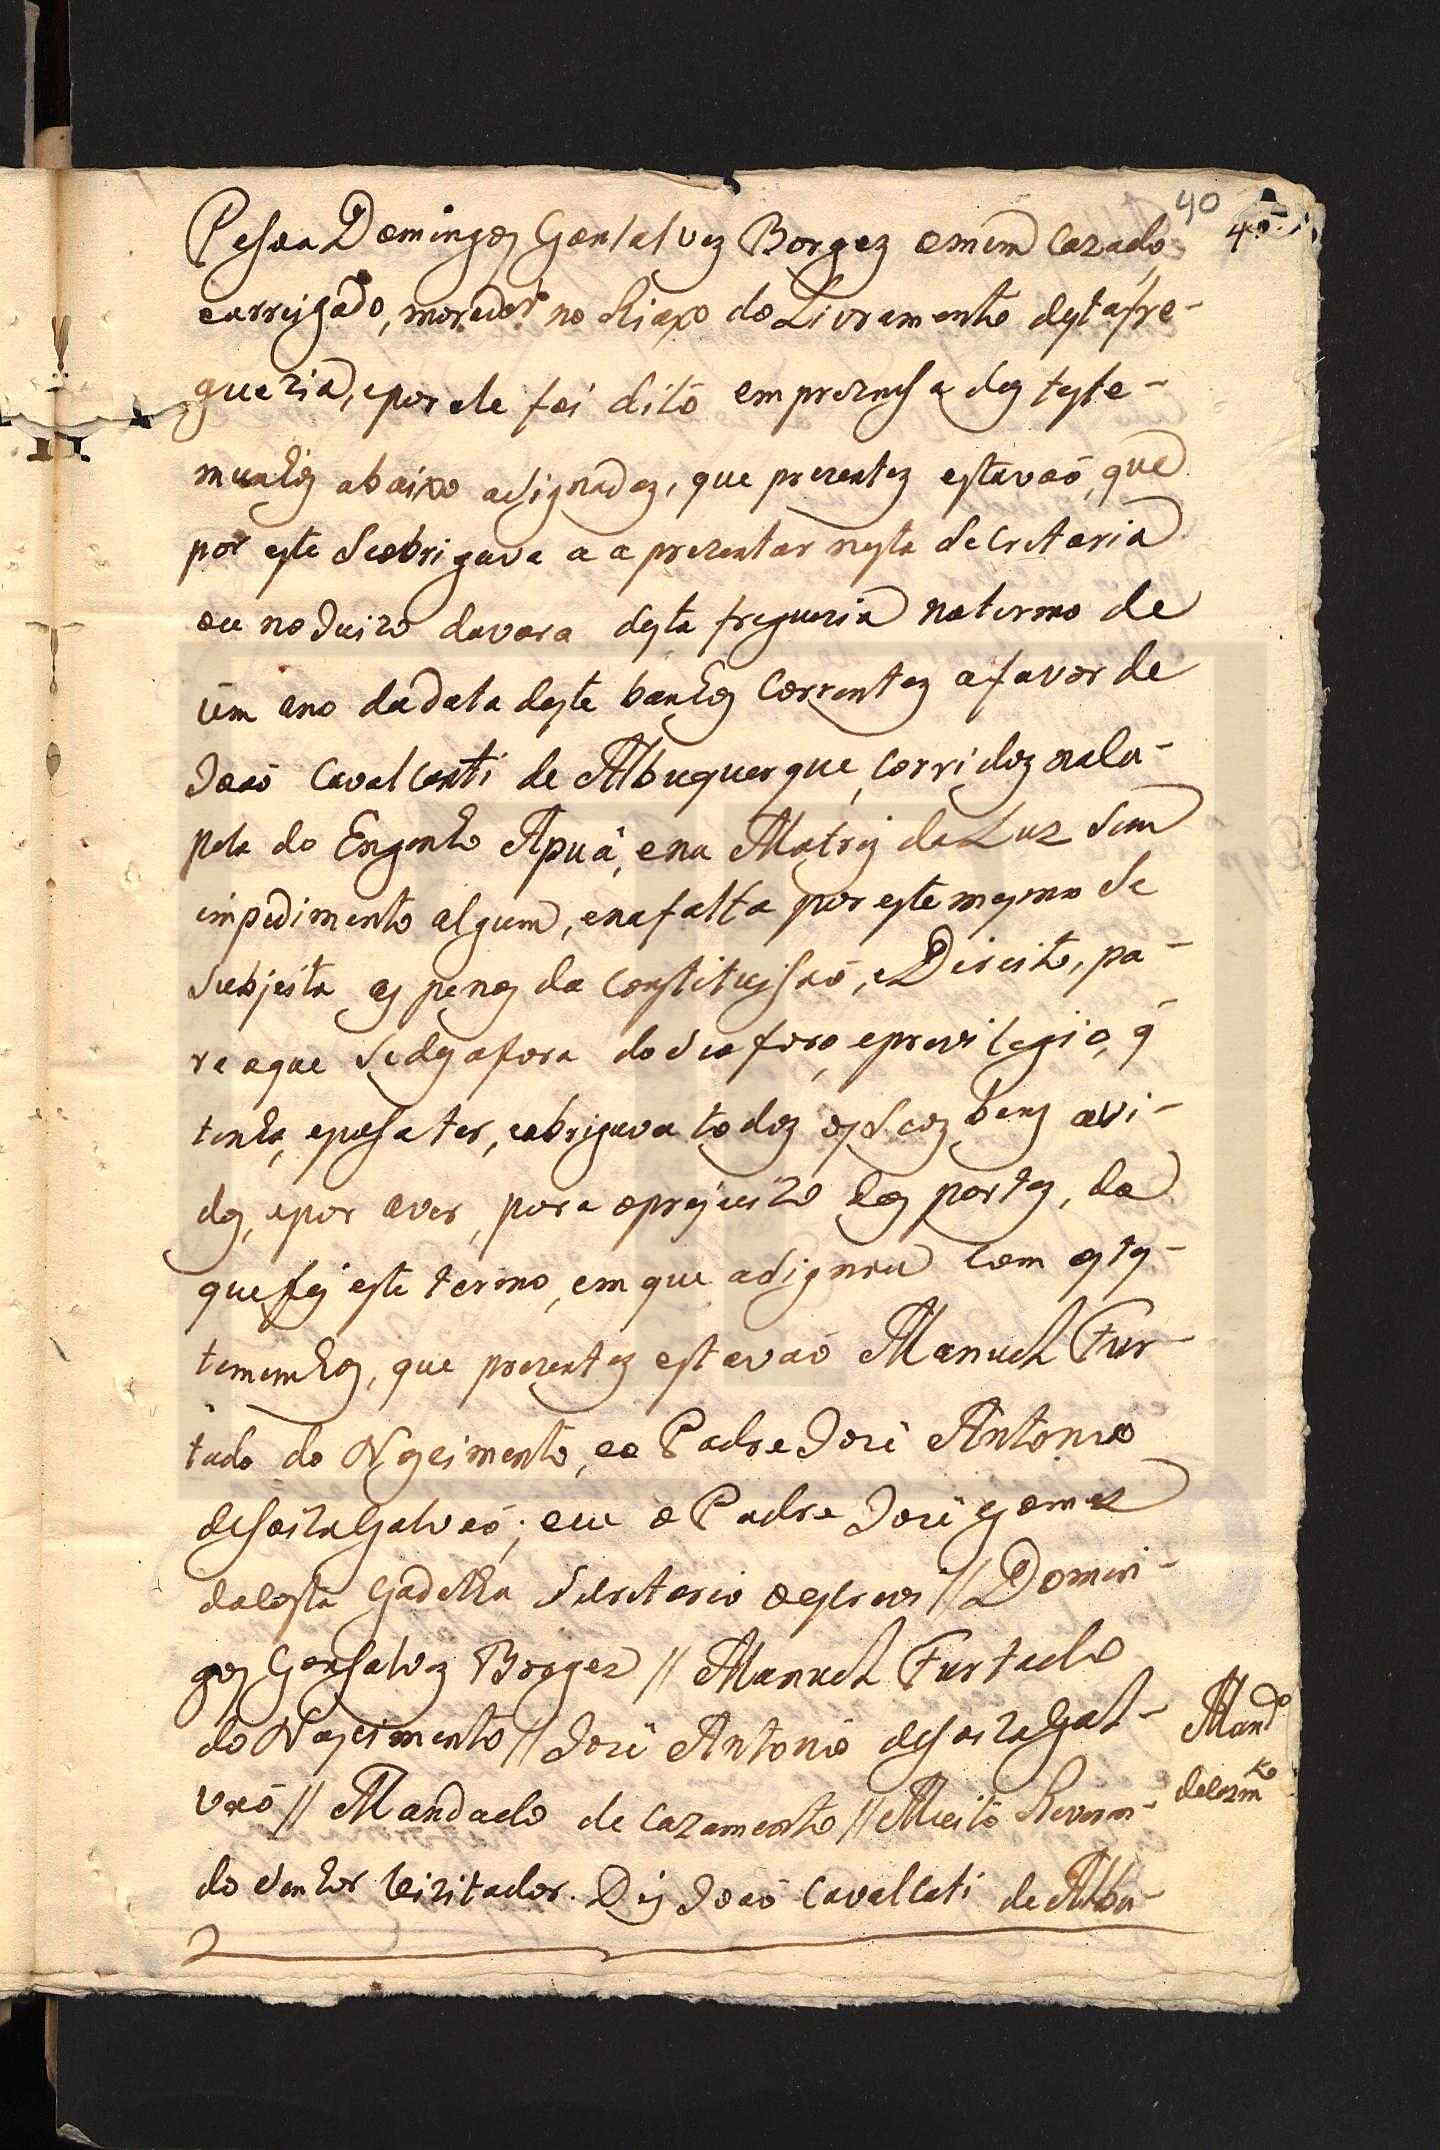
Pesoa Domingos Gonsalvez Borges omem cazado,
e arreigado, morador no Riaxo do Livramento desta fre
guezia, e por ele foi dito em prezemsa dos teste
munhos abaixo asignadoz, que prezentez estavaõ, que
por este Se obrigava a aprezentar nesta secretaria
ou no Iuizo da vara desta freguezia no termo de
um ano da data deste banhos correntez a favor de
Ioaõ Cavalcanti de Albuquerque, corridos na Ca
pela do Engenho Apuâ, e na Matriz da Luz sem
impedimento algum, e na falta por este mesmo Se
subjeita as penas da constituisaõ, e Direito, pa
ra o que se desafora do seo foro, e previlegio, q̄
tenha, e posa ter, e obrigava todoz os seoz bens avi
dos, e por aver, para o prejuizo dos portoz, do
que fis este termo, em que asignou com os tes
temunhos, que prezentez estavaõ Manuel Fur
tado do Nascimento, e o Padre Iozé Antonio
de soiza Galvaõ; e eu o Padre Iozé gomez
da Costa Gadelha Secretario o escrevi // Domin
Mand.o
de cazm.to
gos Gonsalvez Borgez // Manuel Furtado
do Nascimento / Iozé Antonio de soiza Gal
vaõ // Mandado de cazamento // Muito Reveren
do Senhor Vizitador. Dis Ioaõ Cavalcati de Albu
